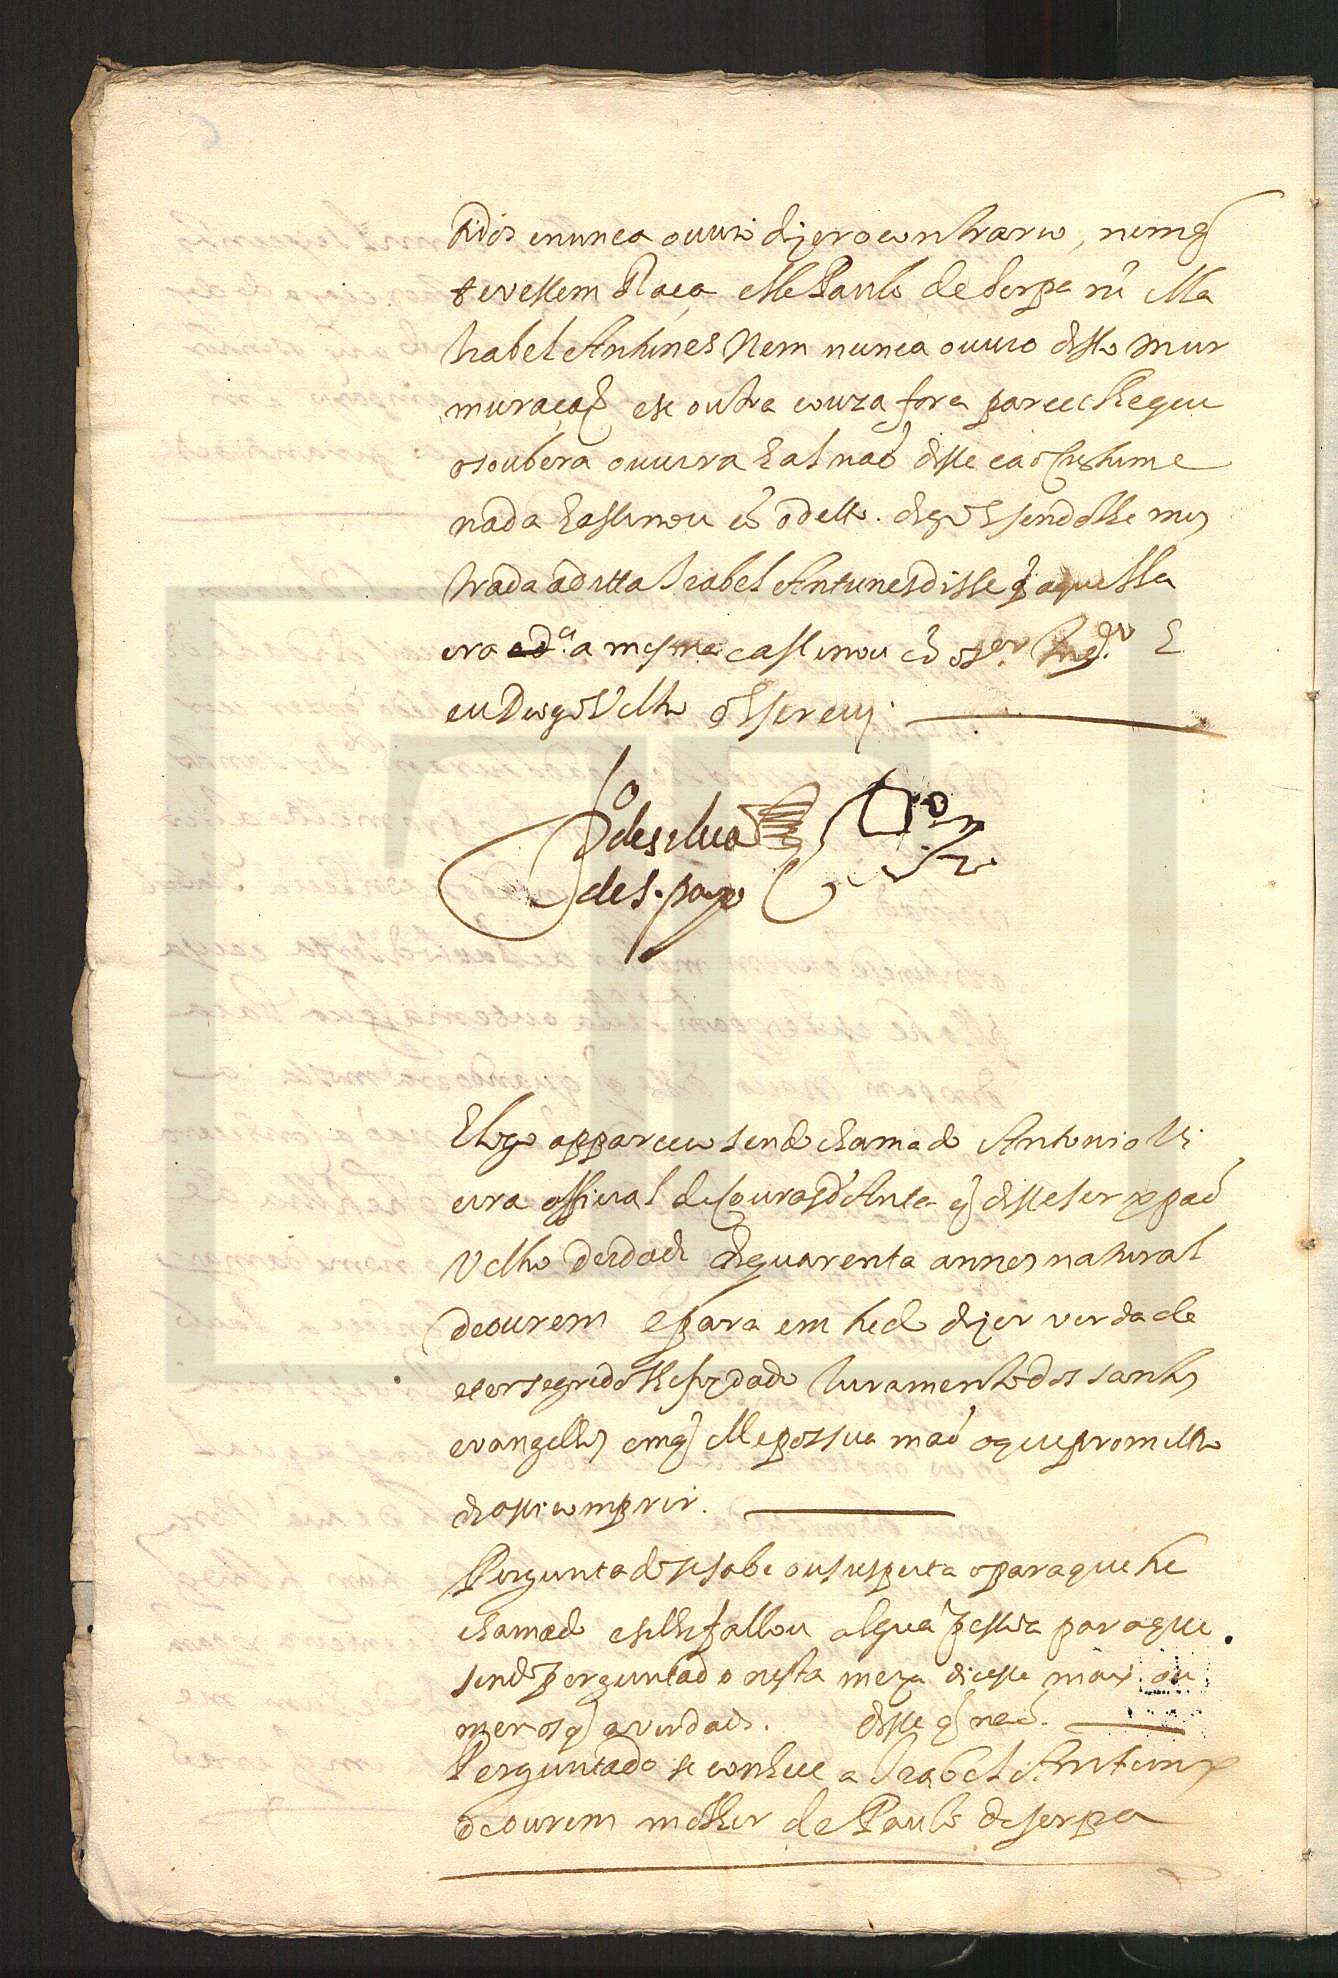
tidos e nunca ouuio dizer o contrario, nem q̄
tevessem Raça elle Paulo de Serpa nē ella
Izabel Antunes nem nunca ouuio disso mur
muraçaõ e se outra couza fora parecelhe que
o soubera ouuira E al naõ disse e ao Custume
nada E assinou cō o ditto digo E sendolhe mos
trada a ditta Izabel Antunes disse q̄ aquella
era a d.a a mesma e assinou cō o sor. Inq.or E
eu Diogo Velho o Escreuj.
Po de silua
de s. payo
E logo appareceo sendo chamado Antonio Vi
eira official de Couros d'Anta q̄ disse ser xpaõ
Velho de idade de quarenta annos natural
de ourem e para em tudo dizer verdade
e ter segredo lhe foj dado Iuramento dos santos
evangelhos em q̄ elle pos sua maõ o que prometteo
de assi comprir.
Perguntado se sabe ou suspeita o para que he
chamado e se lhe fallou alguā pessoa para que
sendo perguntado nesta meza dicesse mais ou
menos q̄ a verdade. disse q̄ naõ
Perguntado se conhece a Izabel Antunes
de ourem molher de Paulo de serpa
